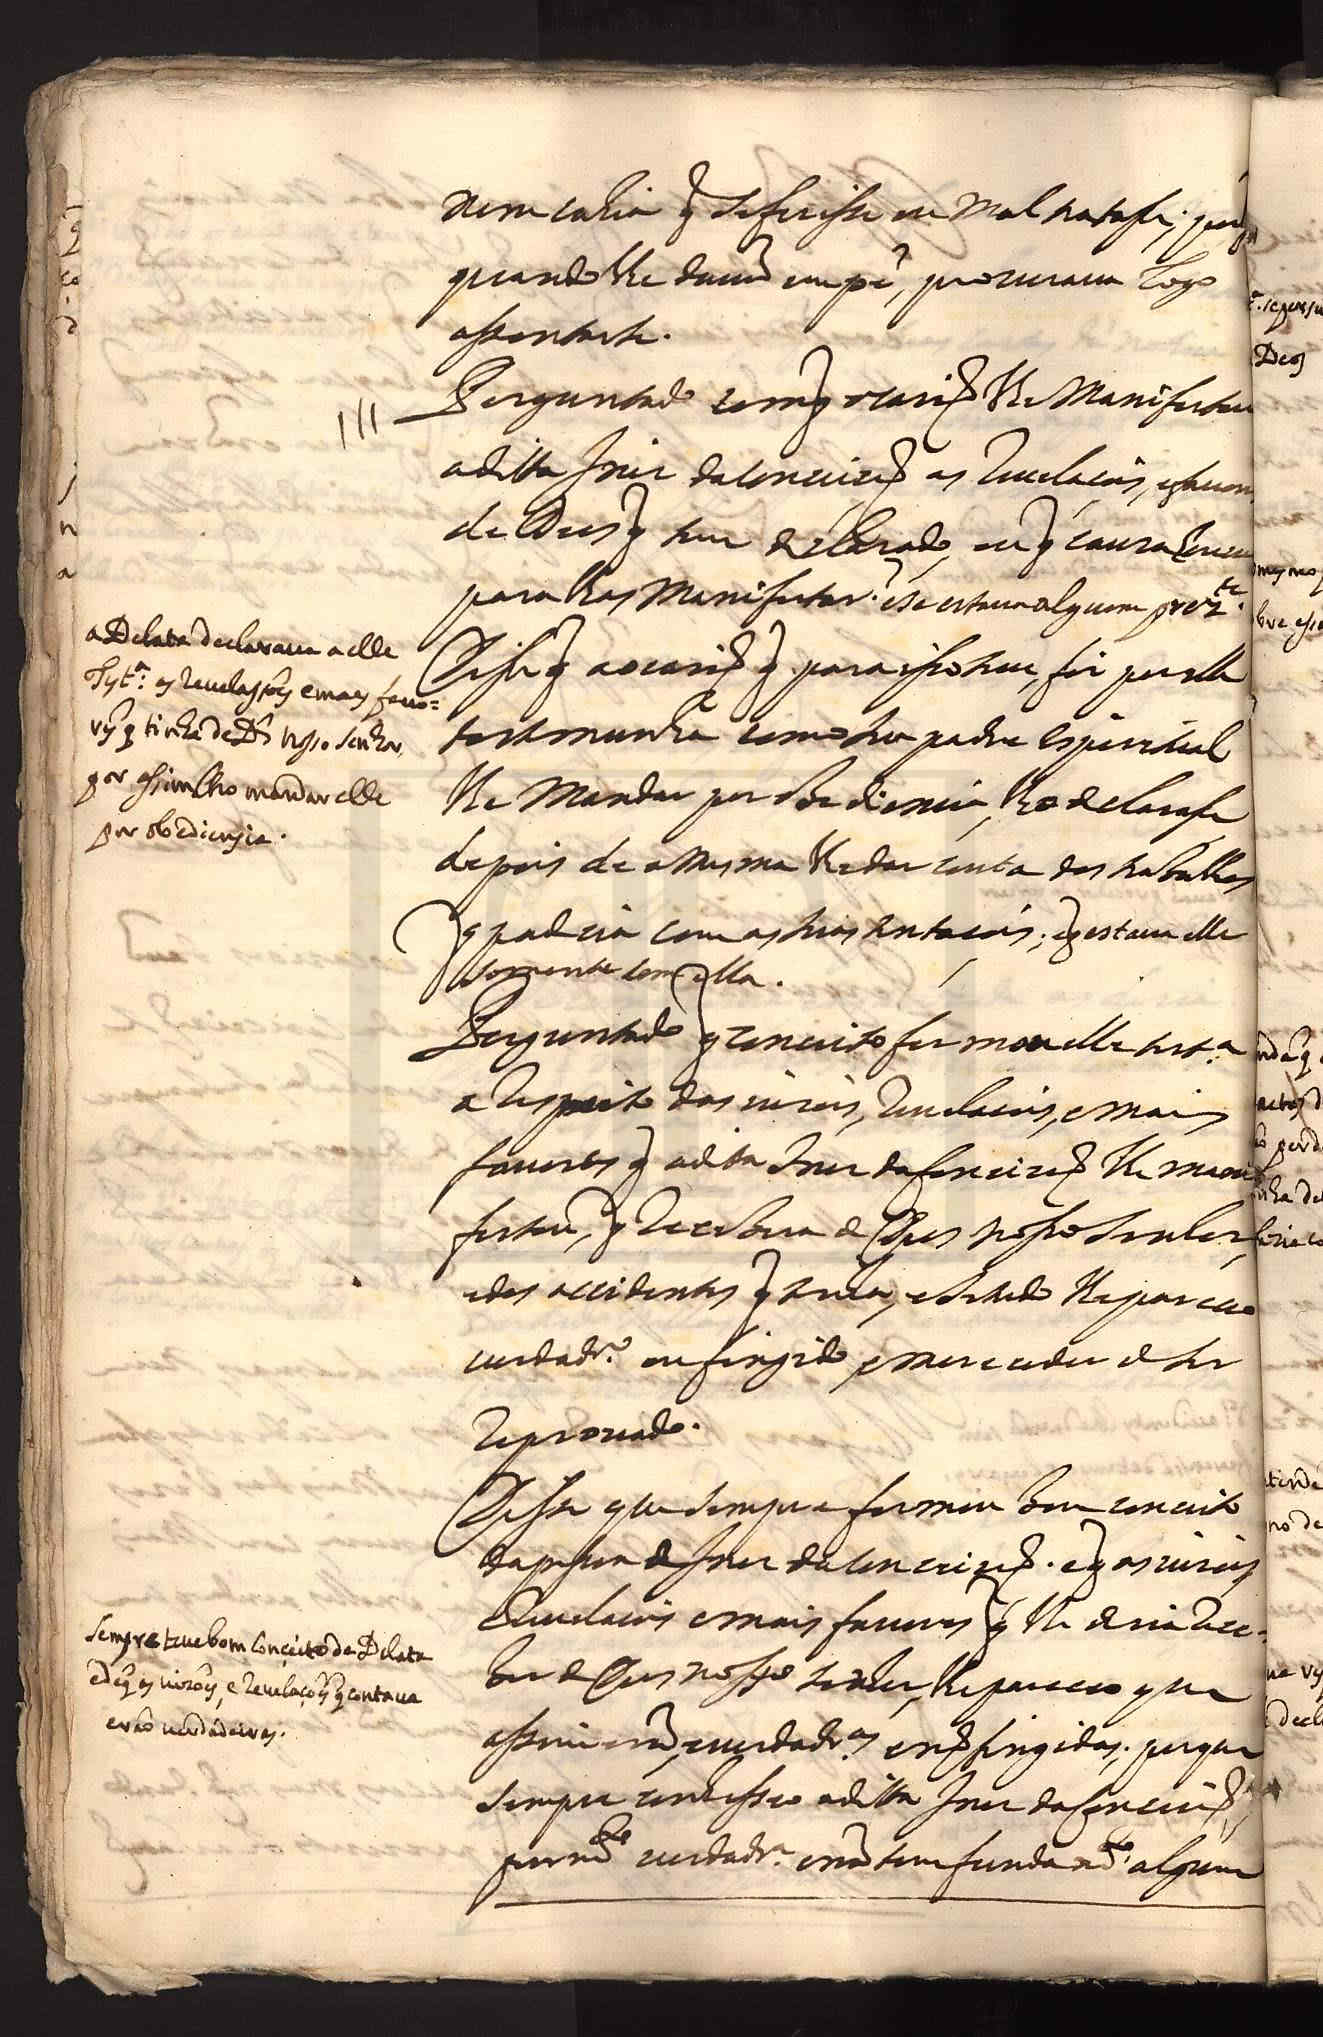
nem cahia q̄ se ferisse ou maltratasse, por
quando lhe dauaõ em pé, procuraua logo
assentarse.
Perguntado com q̄ ocaziaõ lhe manifestou
a ditta Jnes da conceiçaõ as Reuelaçois, e fauor
de Deos q̄ tem declarado, ou q̄ cauza houue
para lhas manifestar? e se estaua alguem prezte
a Delata declaraua a elle
Testa: as Reuelassoẽs e mais fauo
res q̄ tinha de Ds̄ nosso senhor
por assim lho mandar elle
por obediensia.
Disse q̄ a ocaziaõ q̄ para isso teue, foi por elle
testemunha com o seu padre espiritual
lhe mandar por obediencia, lhe declarasse
depois de a mesma lhe dar conta dos trabalhos
q̄ padecia com as suas tentaçois; e q̄ estaua elle
somente com ella.
Perguntado q̄ conceito formou elle test.a
a Respeito das uizois, Reuelaçois, e mais
fauores q̄ a dita Ines da Conceiçaõ lhe mani
festou, q̄ Recebera de Deos nosso Senhor,
e dos accidentes q̄ tinha, e Se tudo lhe pareceo
uerdadr.o ou fingido, e merecedor de ser
Reprouado.
Disse que sempre formou bom conceito
da pessoa de Jnes da conceiçaõ, e q̄ as uizois
Reuelaçois, e mais fauores q̄ lhe dezia Rece
Sempre teue bom Conceito da Delata
e de q̄ as uizões, e Reuelaçoẽs q̄ contaua
eraõ uerdadeiras.
ber de Deos nosso senhor lhe pareceo que
assim eraõ, e uerdadr.as e não fingidas; porque
sempre conhesseo a ditta Jnes da Conceiçaõ
por mto uerdadr.a, e naõ tem fundam.to algum
